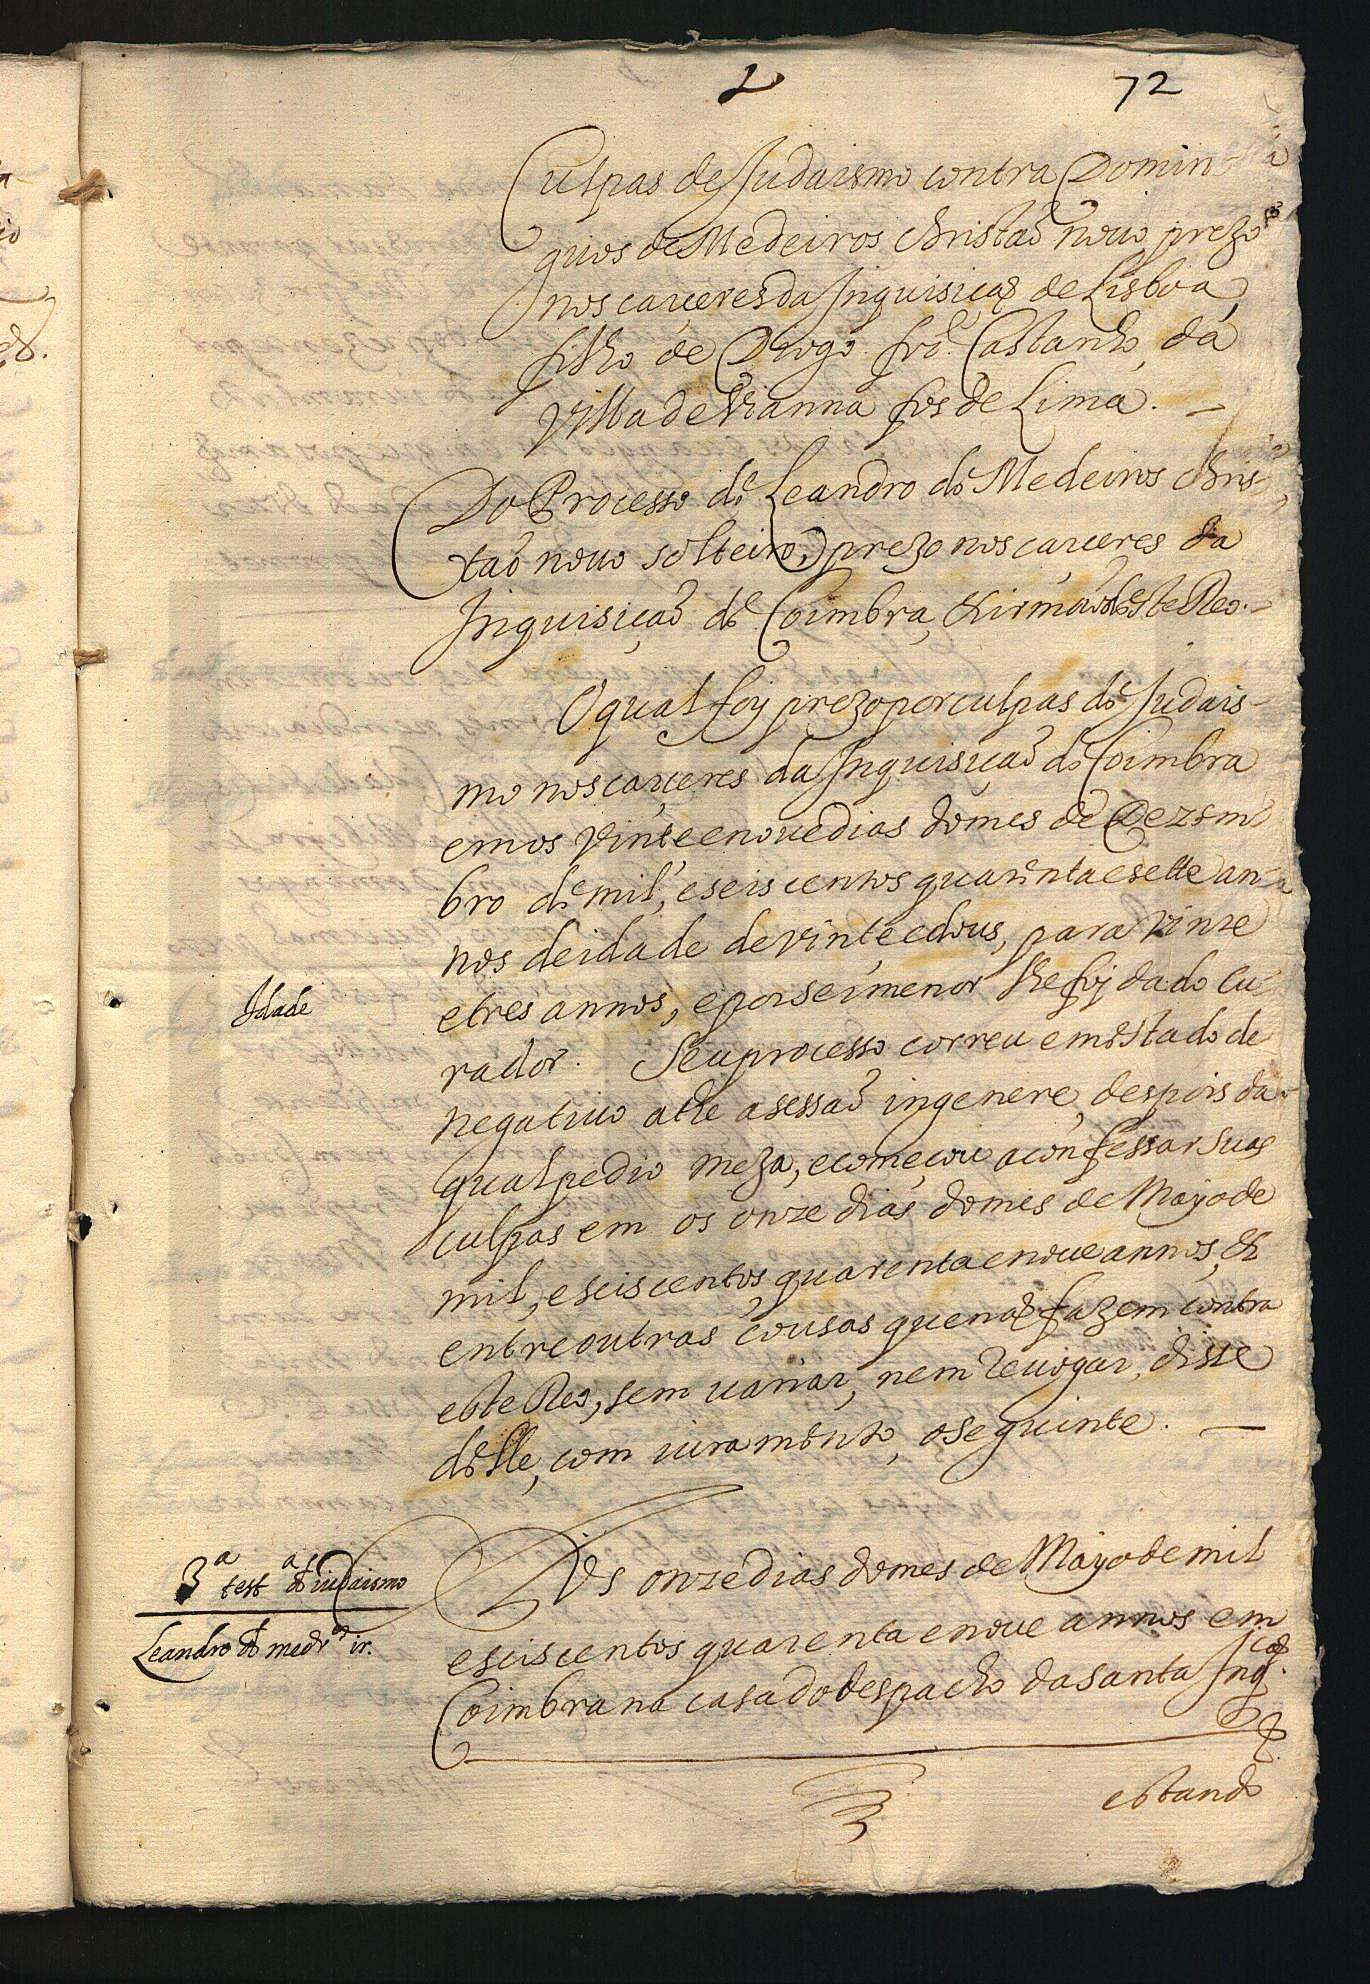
Idade
3ª testa d̄ iudaismo
Leandro d̄ medros ir.
Culpas de Judaismo contra Domin
guos de Medeiros christaõ nouo prezo
nos carçeres da Jnquisiçaõ de Lisboa,
filho de Diogo frz̄ Castanho da
villa de vianna fos de Lima.
Do processo de Leandro de Medeiros chris
taõ nouo solteiro, prezo nos carçeres da
Jnquisiçaõ de Coimbra, & irmaõ deste Reo.
O qual foy prezo por culpas do Judais
mo nos carçeres da Jnquisiçaõ de Coimbra
em os vinte e noue dias do mes de Dezem
bro de mil, e seiscentos quarenta e sette an
nos de idade de vinte, e dous, para vinte
e tres annos, e por ser menor lhe foj dado Cu
rador. Seu processo correu e moestado de
negatiuo athe a sessaõ in genere, despois da
quaL pedio meza, e começou a confessar suas
culpas em os onze dias do mes de mayo de
mil, e seiscentos, quarenta e noue annos, &
entre outras cousas que naõ fazem contra
este Reo, sem uariar, nem Reuogar, disse
delle, com iuramento, o seguinte.
Aos onze dias do mes de Mayo de mil
e seiscentos quarenta e noue annos em
Coimbra na casa do despacho da santa Jnqcaõ.
estando
